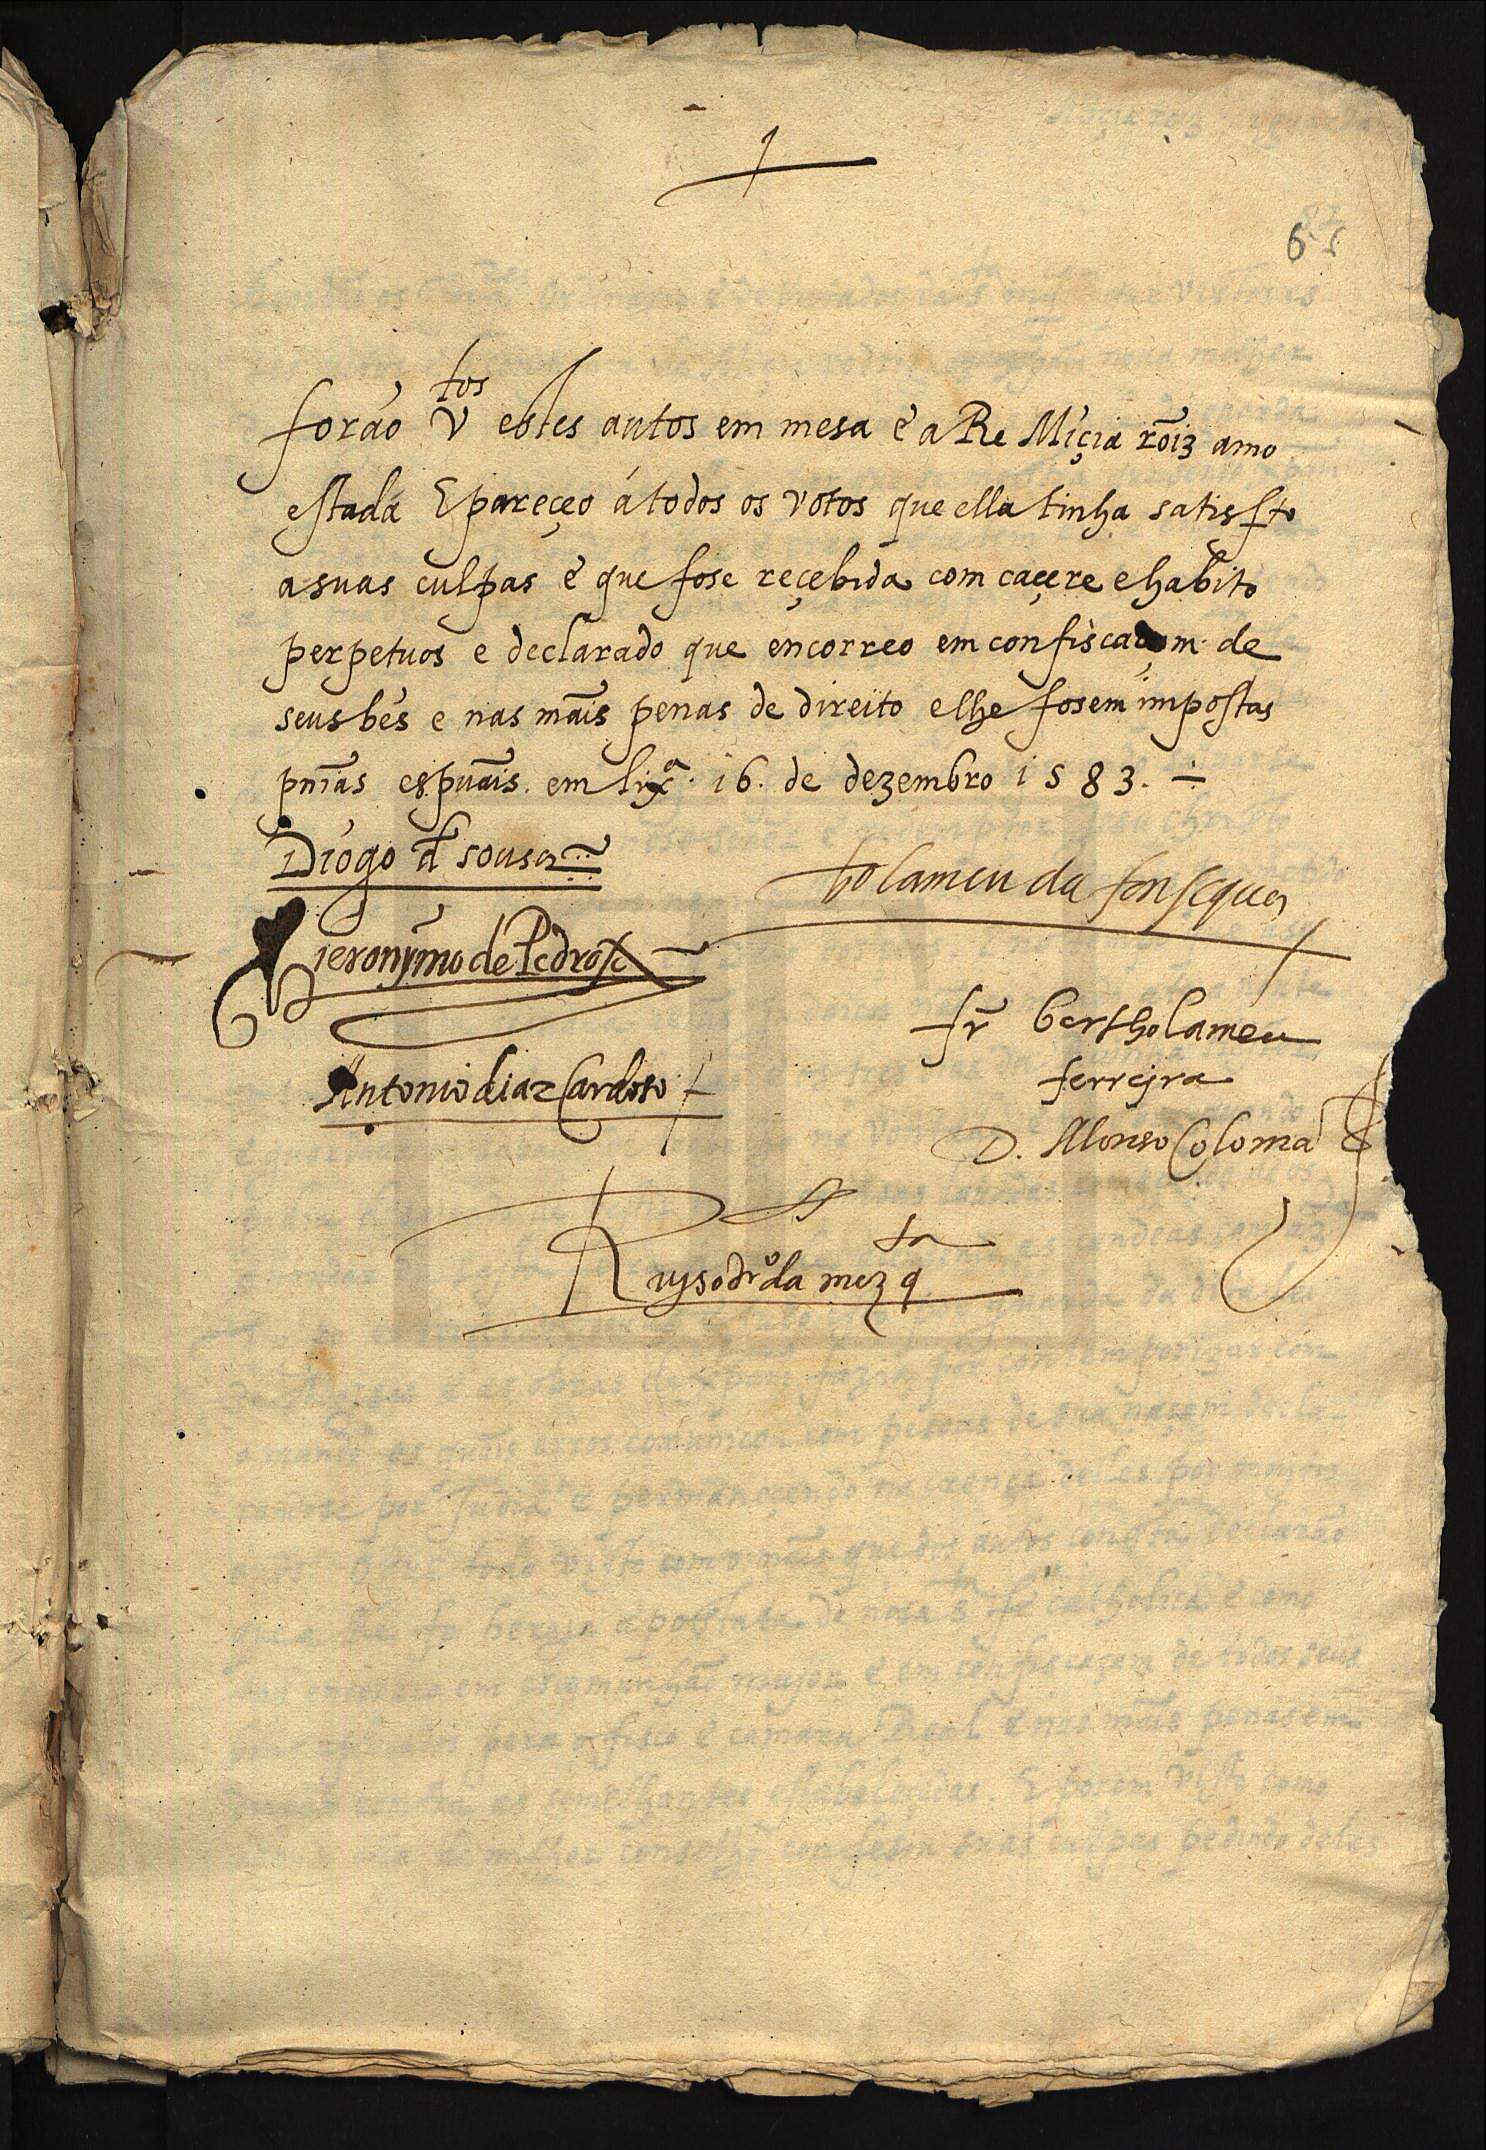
foraõ vtos estes autos em mesa e a Re Miçia rōiz amo
estada E pareçeo a todos os votos que ella tinha satisfto
a suas culpas e que fose reçebida com caçere e habito
perpetuos e declarado que encorreo em confiscaçom de
seus bēs e nas māis penas de direito e lhe fosem impostas
pniās espuaīs. em lixa. i6. de dezembro i583.
